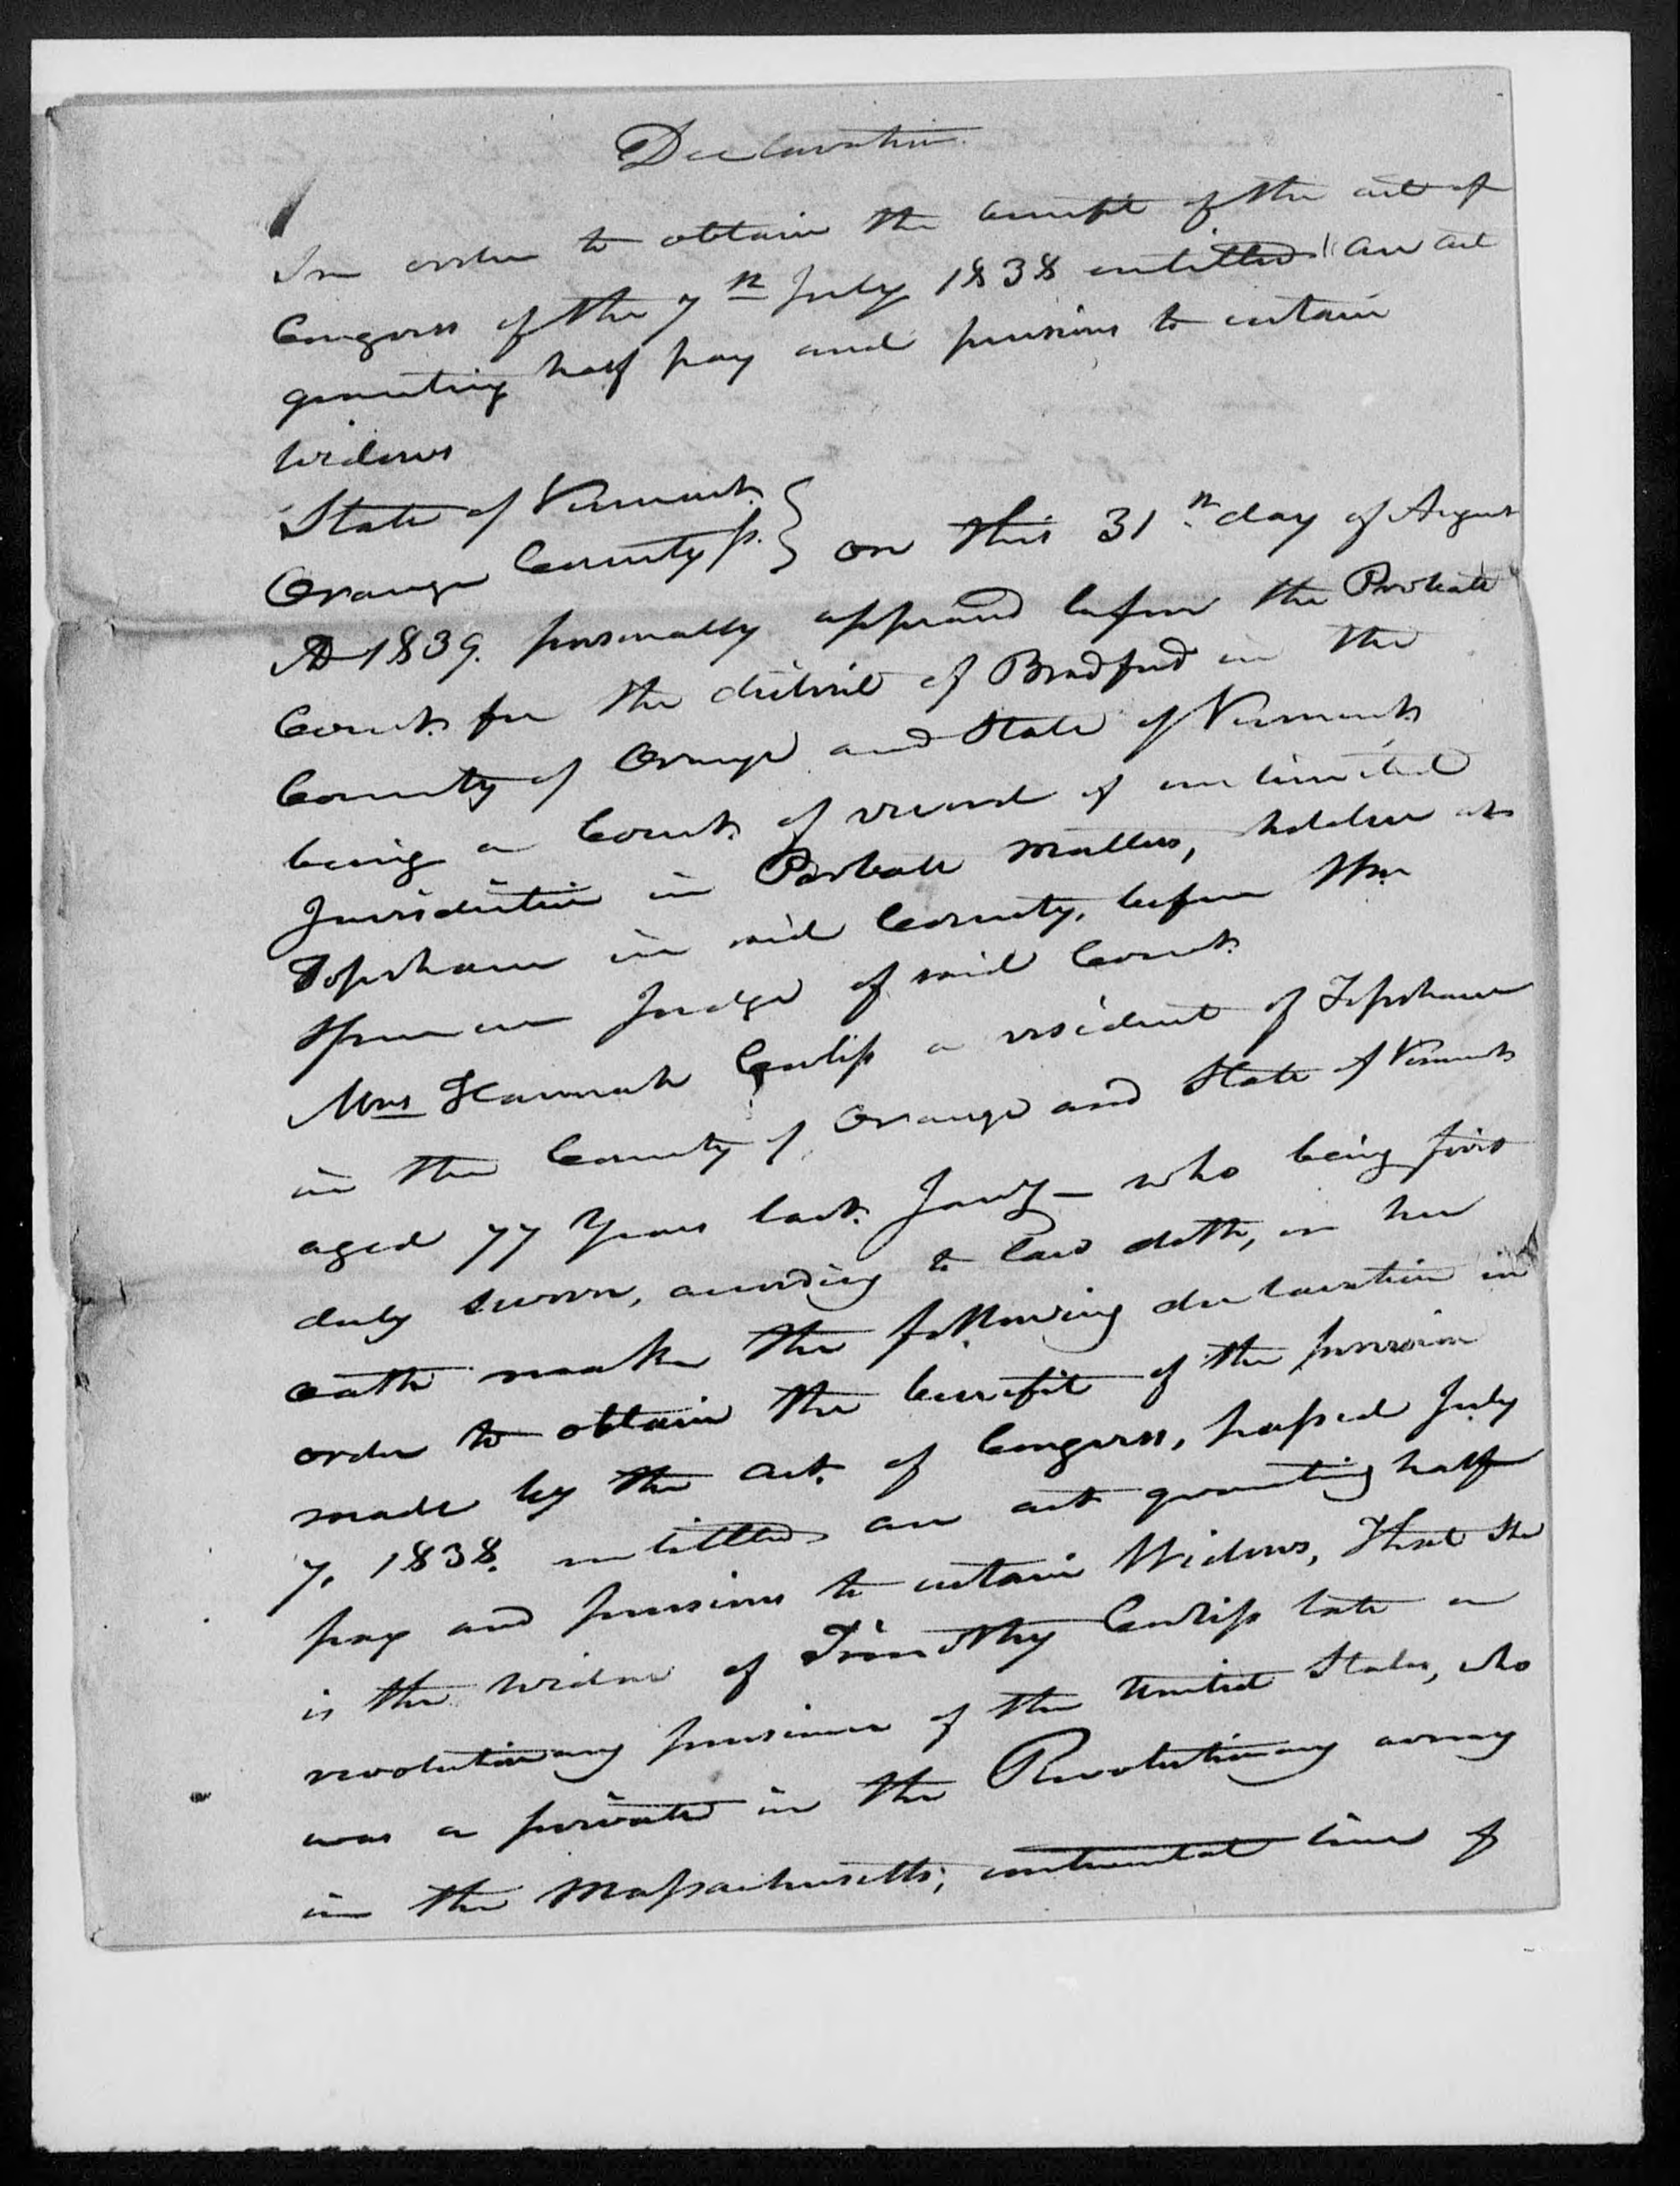Declaration
In order to obtain the benefit of the Act of Congress of the 7th July 1838 entitled an act granting half pay and pension to certain widows.

State of Vermont
Orange County Ss.
On this 31st day of August AD 1839 personally appeared before the probate court for the district of Bradford in the County of Orange and State of Vermont, being a court of record and unlimited jurisdiction in probate matters holden in said county before William Spencer, Judge of said court.
Mrs. Hannah Corliss, a resident of Topsham in the county of Orange and state of Vermont, aged 77 years last January, who being first duly sworn according to law doth, in her oath make the following declaration in order to obtain the benefit f the pension made by the act of Congress, entitled an act granting half pay and  pension to certain widows, that she is the widow of Timothy  Corliss, late an revolutionary pensioner of the United States, who was a private in the Revolution Army in the Massachusetts, Continental line and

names: Timothy Corliss, Hannah Corliss, Wm Spencer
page: 8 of 34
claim: widow's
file: W. 20,896, Timothy Corless, Continental Mass